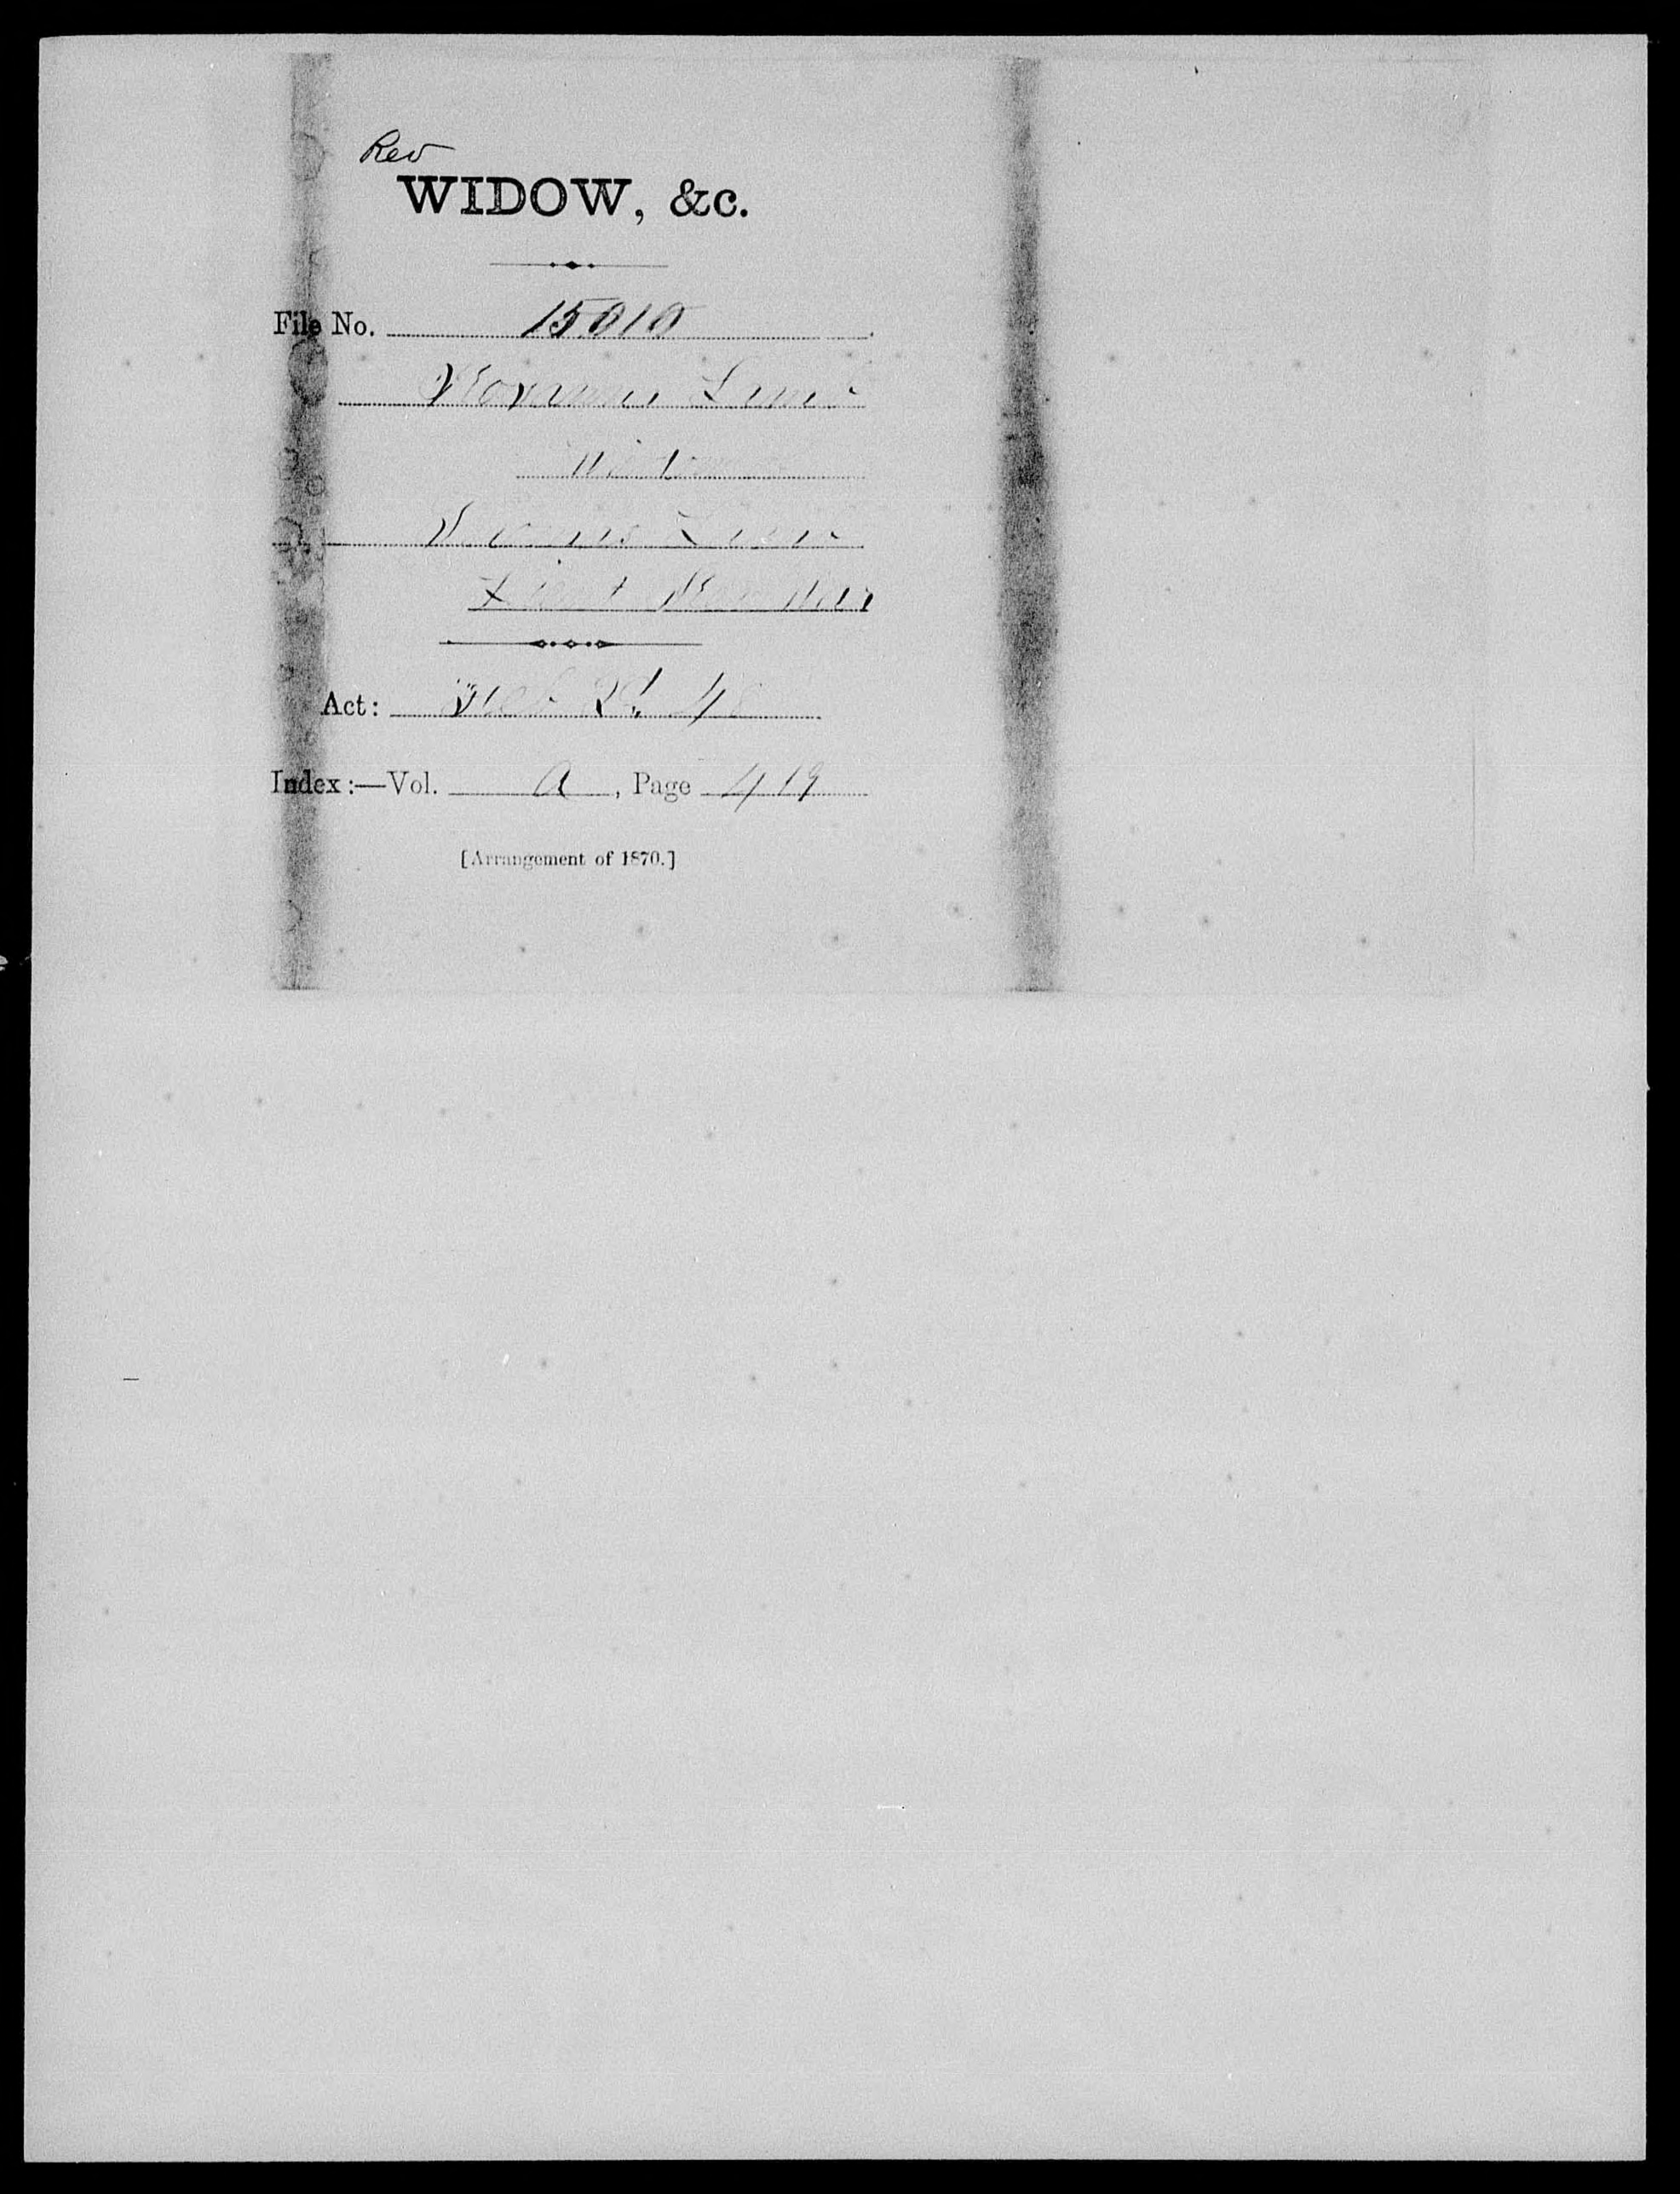Rev
WIDOW, &c.
_________
File No. 15010
Rosanna Lamb
wid.
Thomas Lamb
Leiut. Rev War
_____________
Act: Feb 2, 48
Index:-Vol. A, Page 419
[Arrangement of 1870.]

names: Thomas Lamb; Rosanna Lamb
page: 16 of 23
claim: widow's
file: W. 15010, for Thomas Lamb, Massachusetts